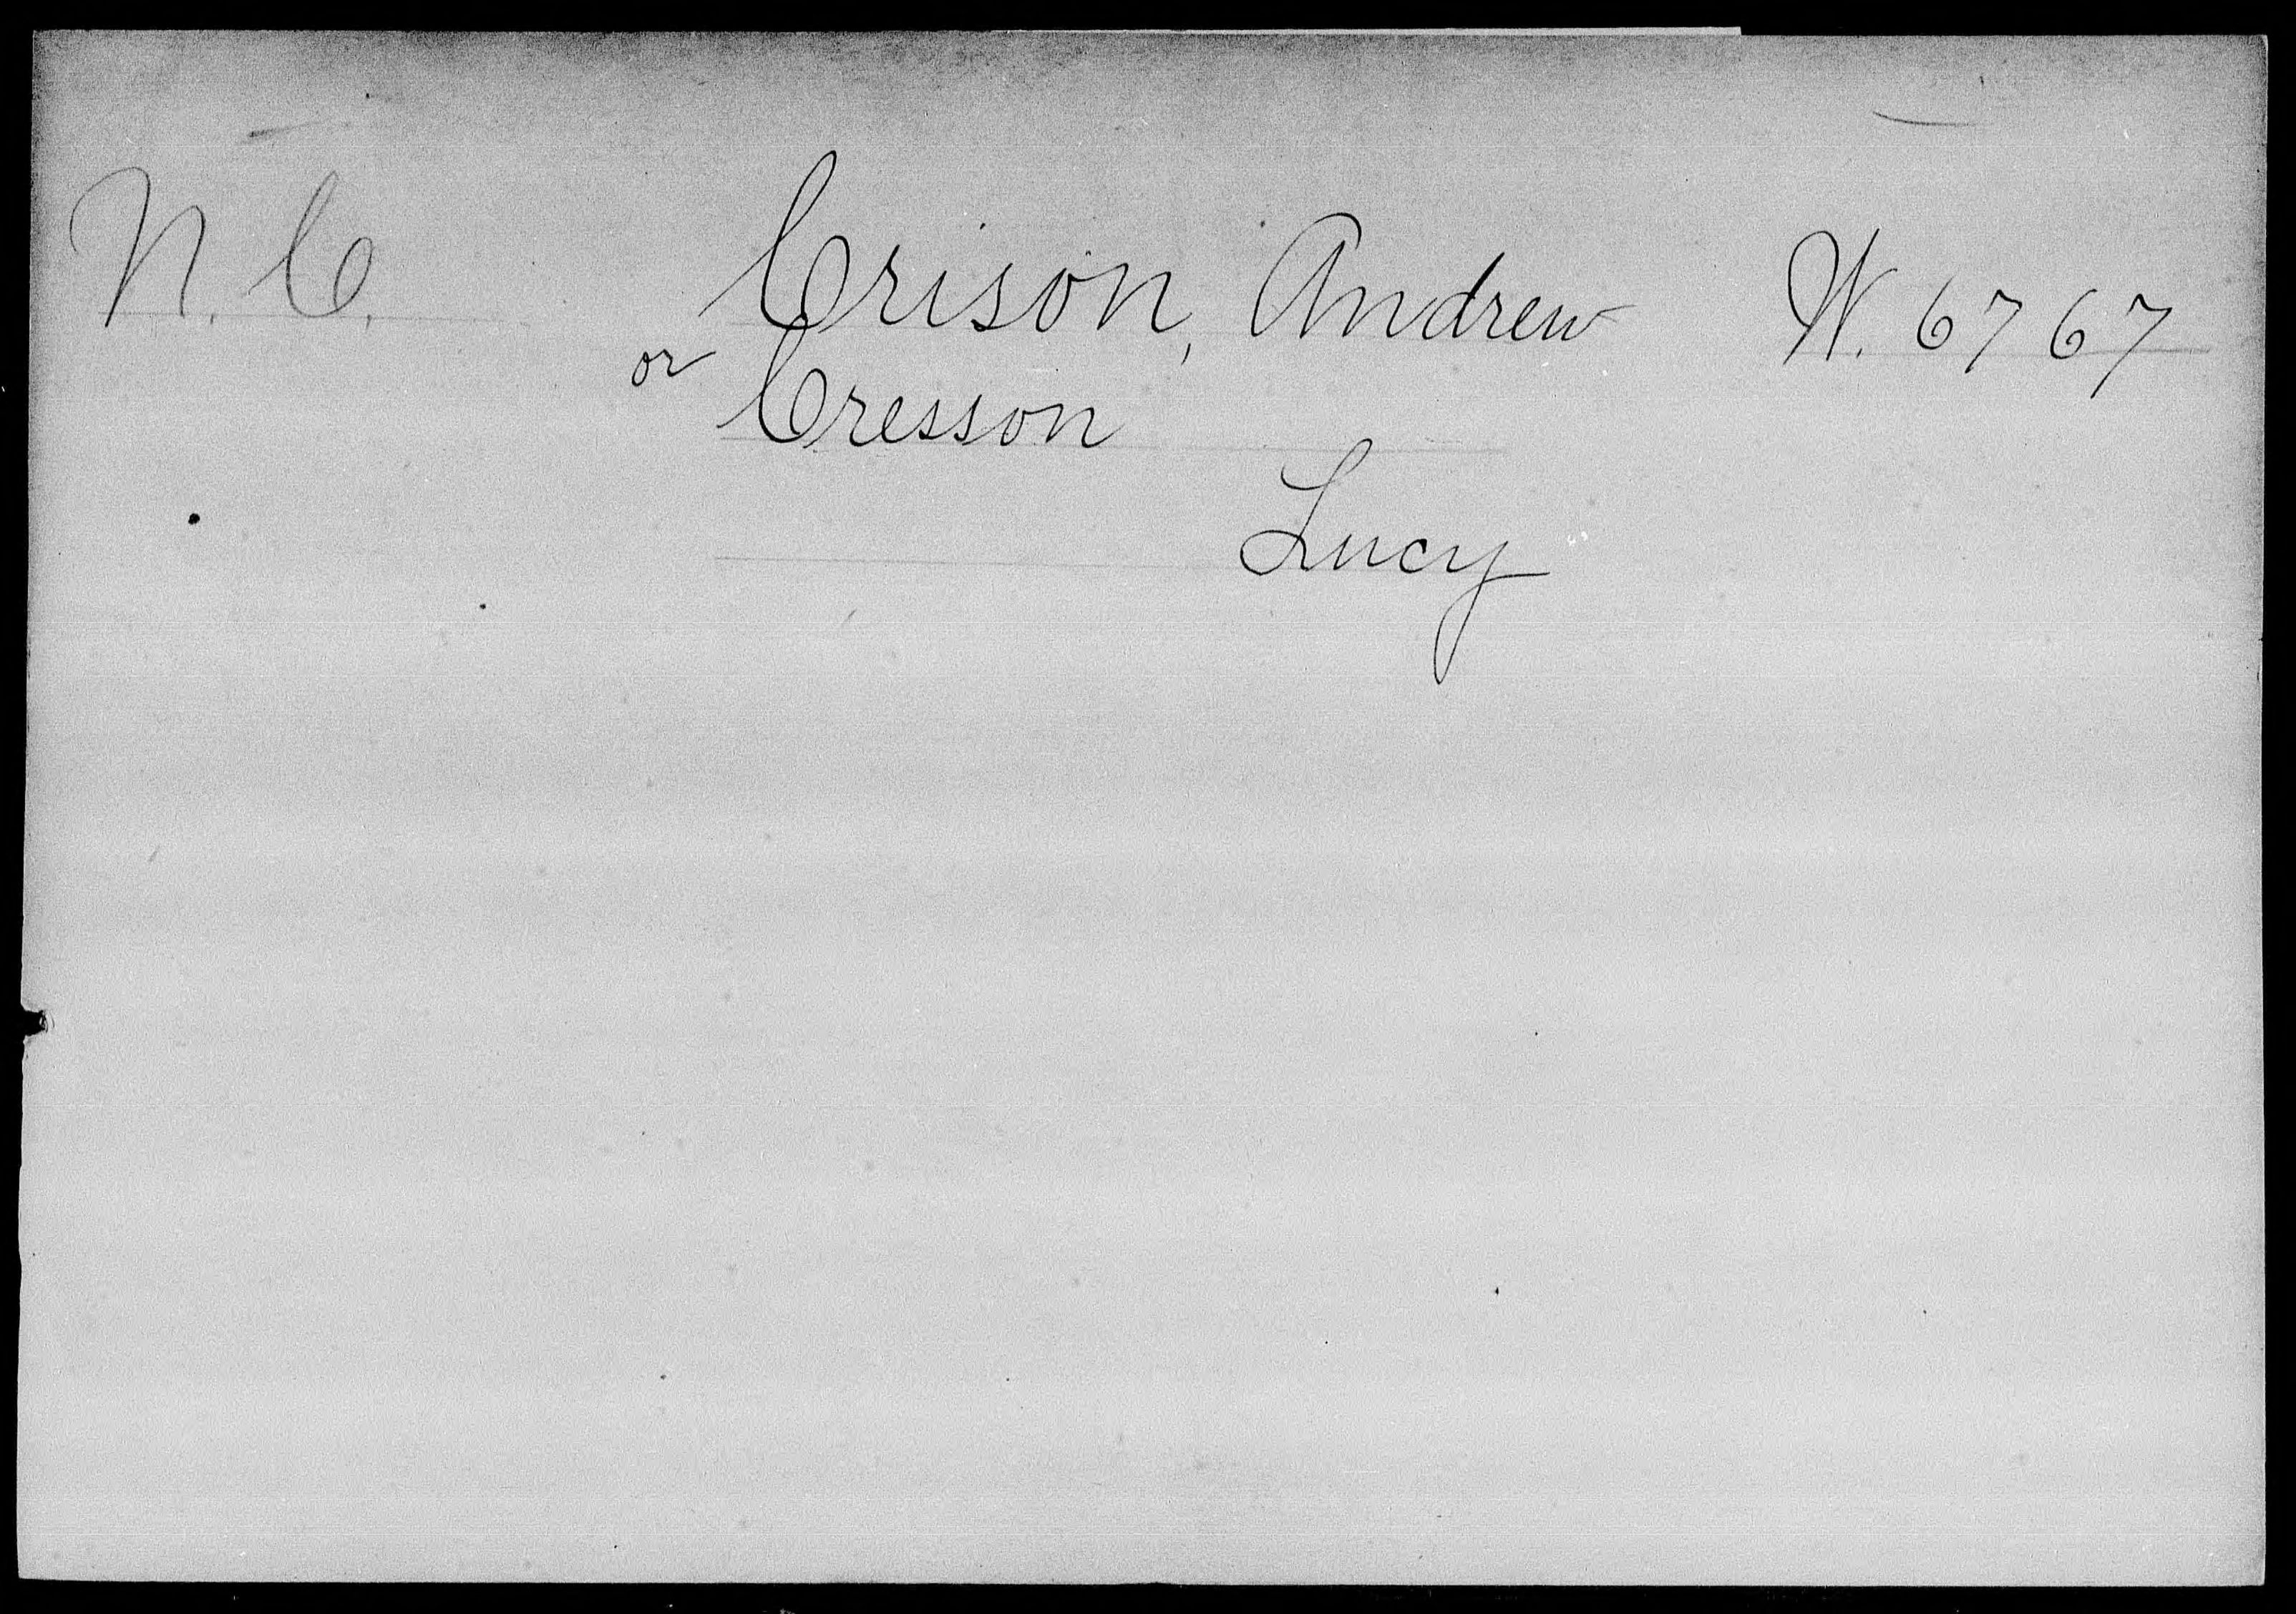N.C.	Crison, Andrew	W. 6767
	or Cresson
		Lucy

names: Andrew Cresson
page: 1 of 1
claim: widow's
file: W. 6767, Andrew Crison, N.C.